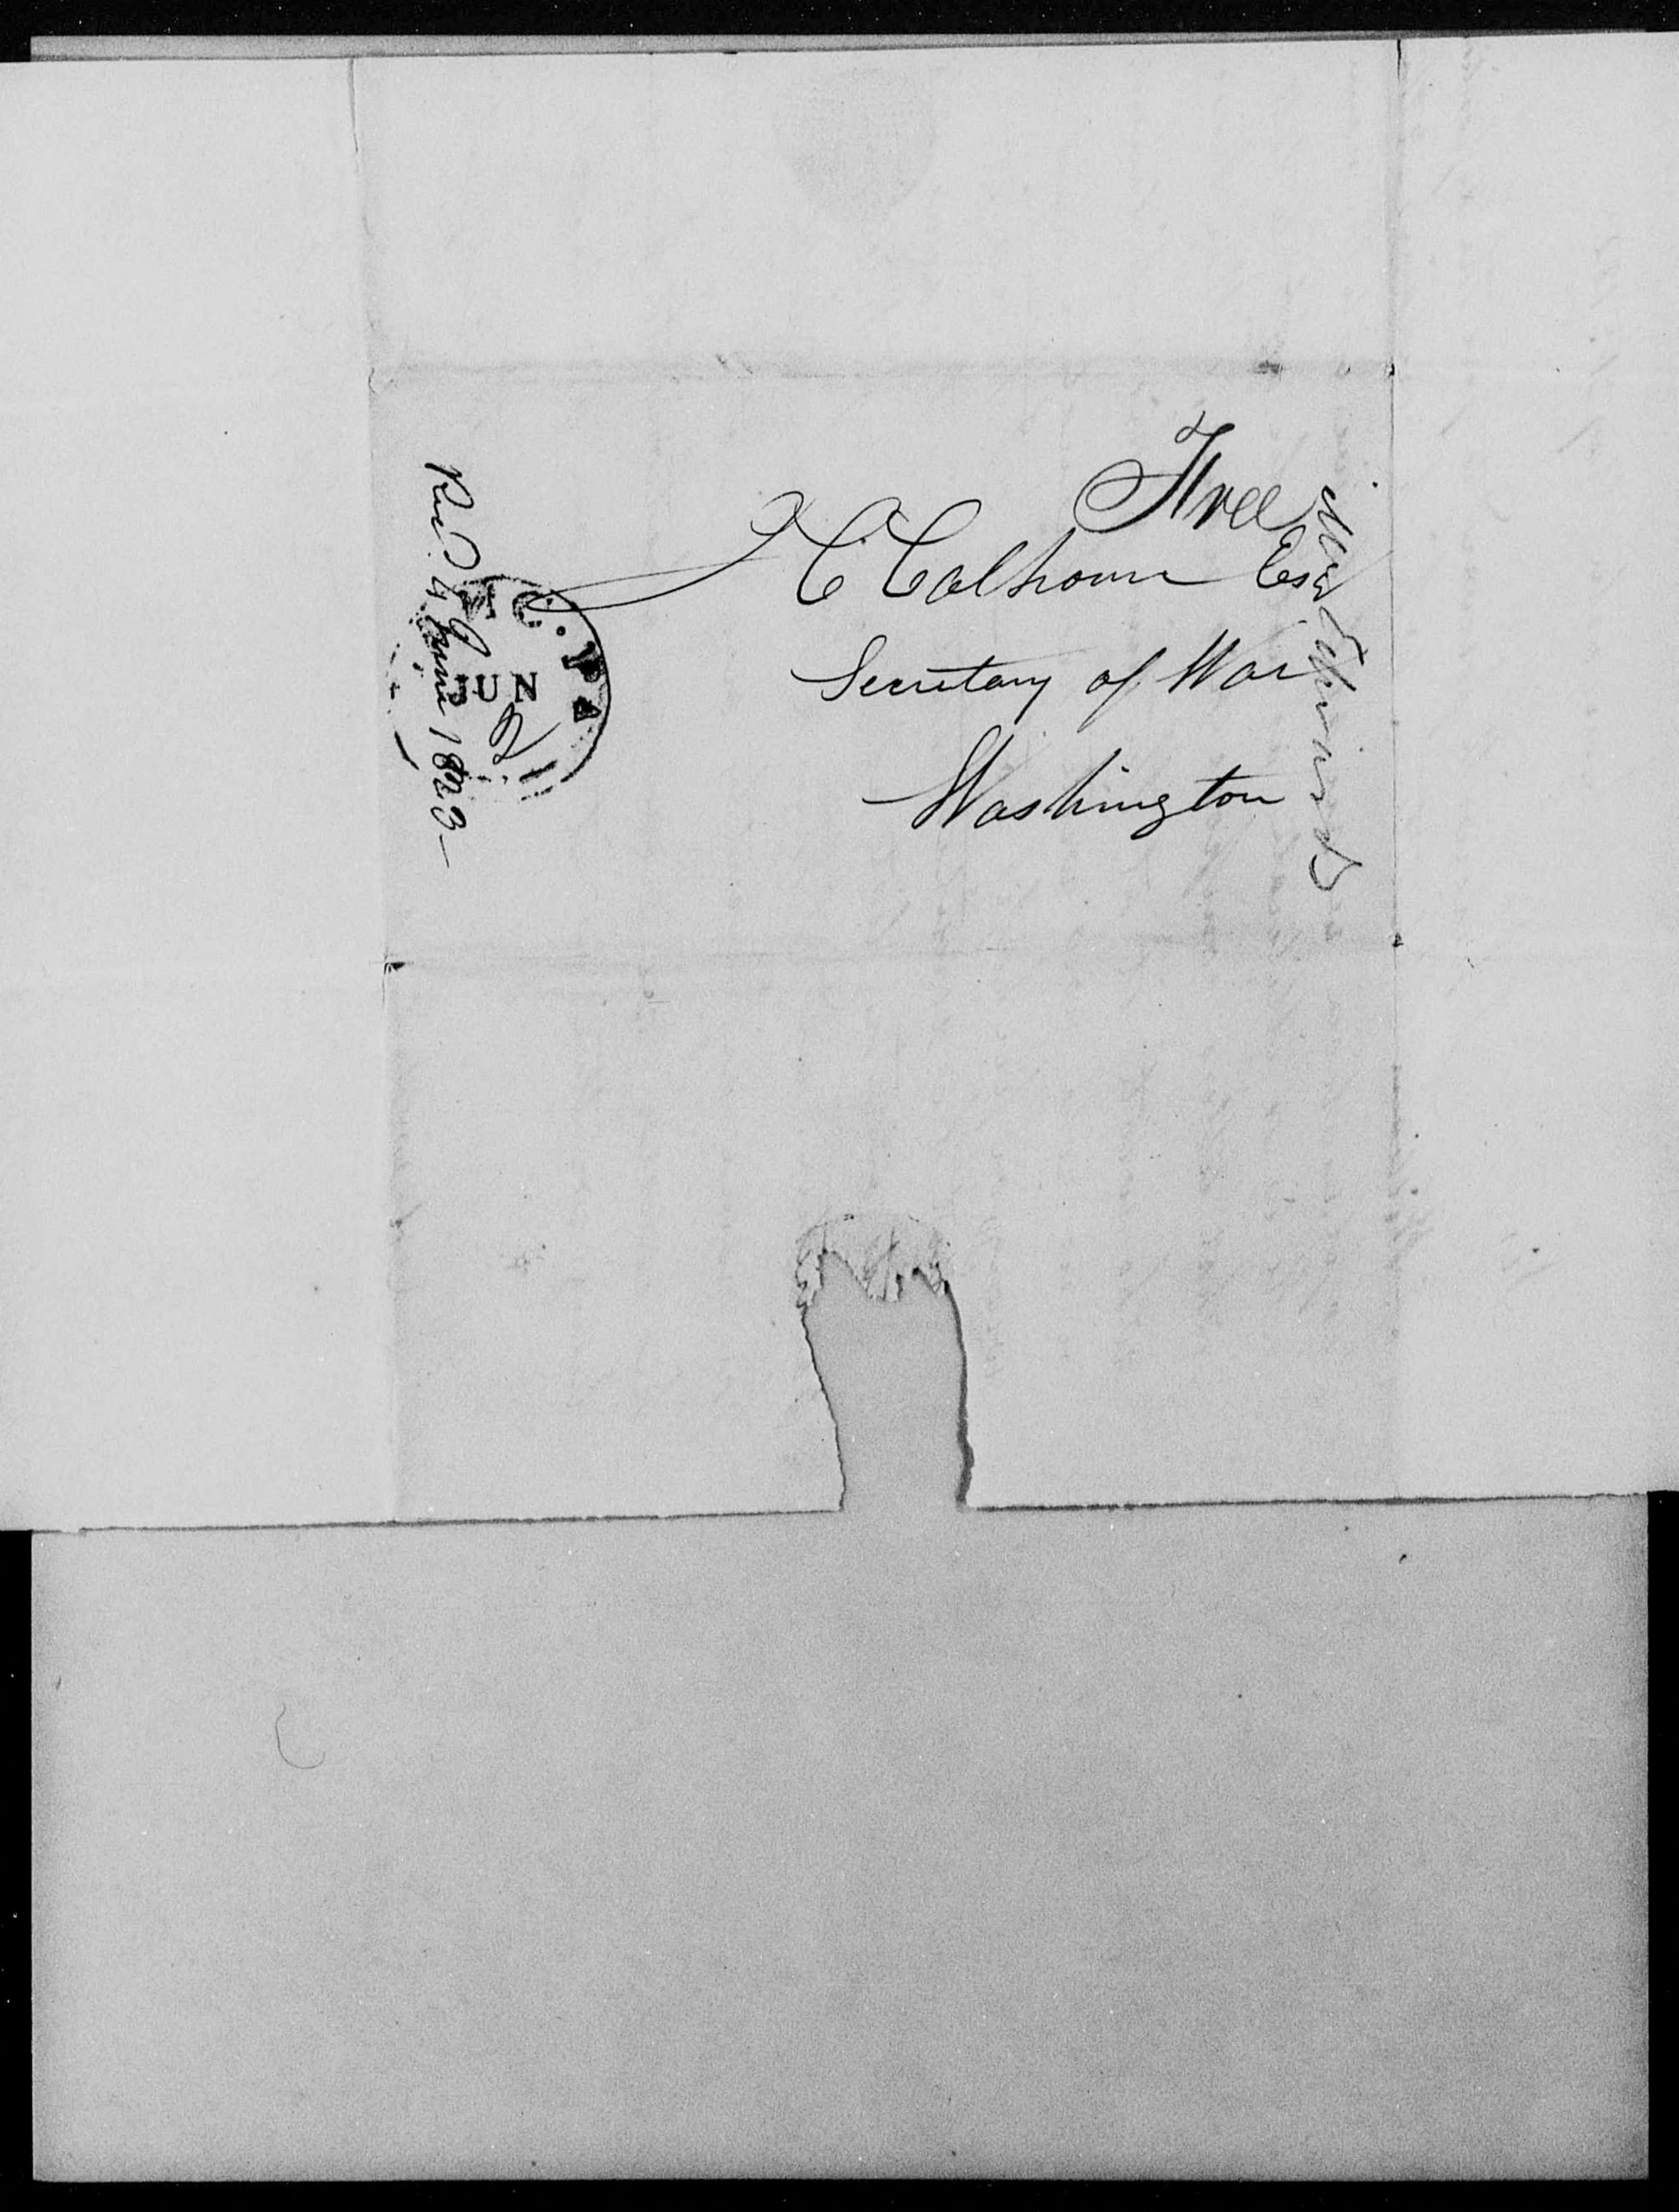(Addressed envelope)

Free

J.C. Calhoun Esq
Secretary of War
Washington

(Date stamp)
LANC. PA
Jun
2

Rcvd
24 June 1823

Mrs. Edwards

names: [BLANK] Edwards; J C Calhoun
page: 9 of 14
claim: survivor's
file: S. 40242, for William Palmiteer, Pennsylvania